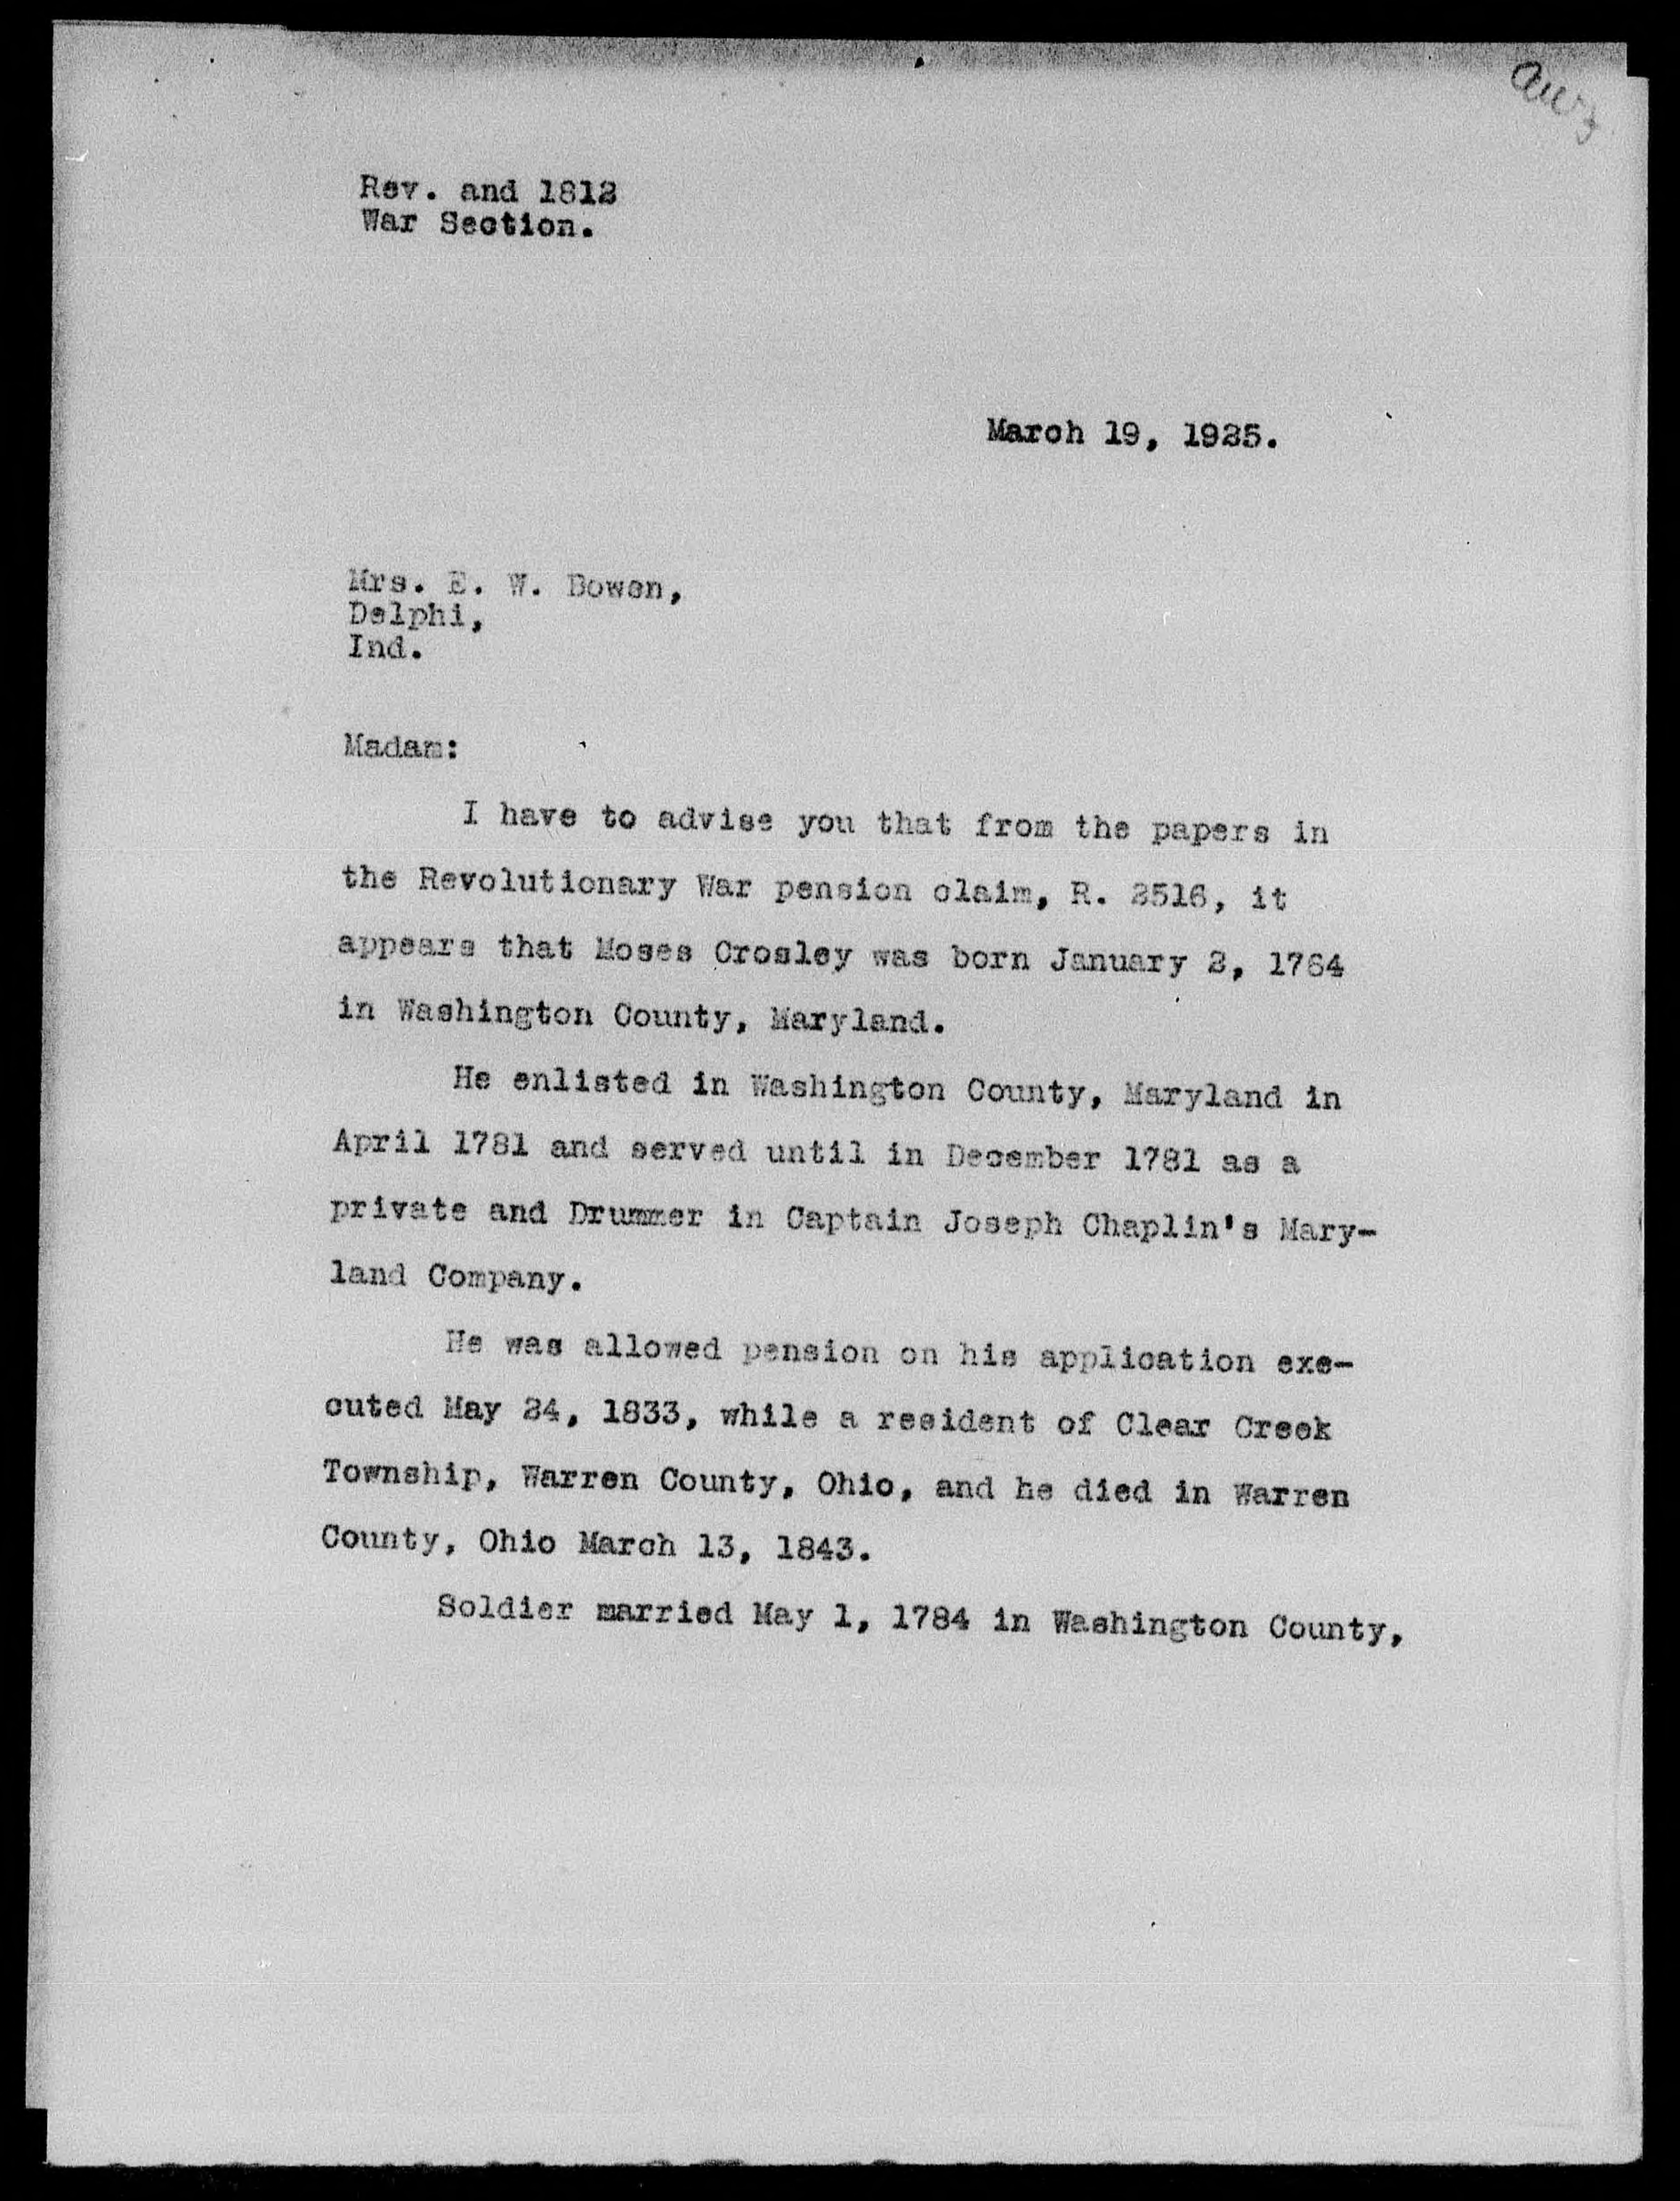Rev. and 1812
War Section.
awf
March 19, 1925.

Mrs. E. W. Bowen,
Delphi,
Ind.

Madam;
I have to advise you that from the papers in
the Revolutionary War pension claim, R. 2516, it
appears that Moses Crossley was born January 2, 1784
in Washington County, Maryland.

He enlisted in Washington County, Maryland in
April 1781 and served until in December 1781 as a
private and Drummer in Captain Joseph Chaplin's 
Maryland Company.

He was allowed pension on his application executed
May 24, 1833, while a resident of Clear Creek
Township, Warren County, Ohio, and he died in Warren
County, Ohio March 13, 1843.

Soldier married May 1, 1784 in Washington County,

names: E W Bowen, Moses Crosley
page: 18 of 37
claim: rejected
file: R. 2516, Moses Crosley, Md.